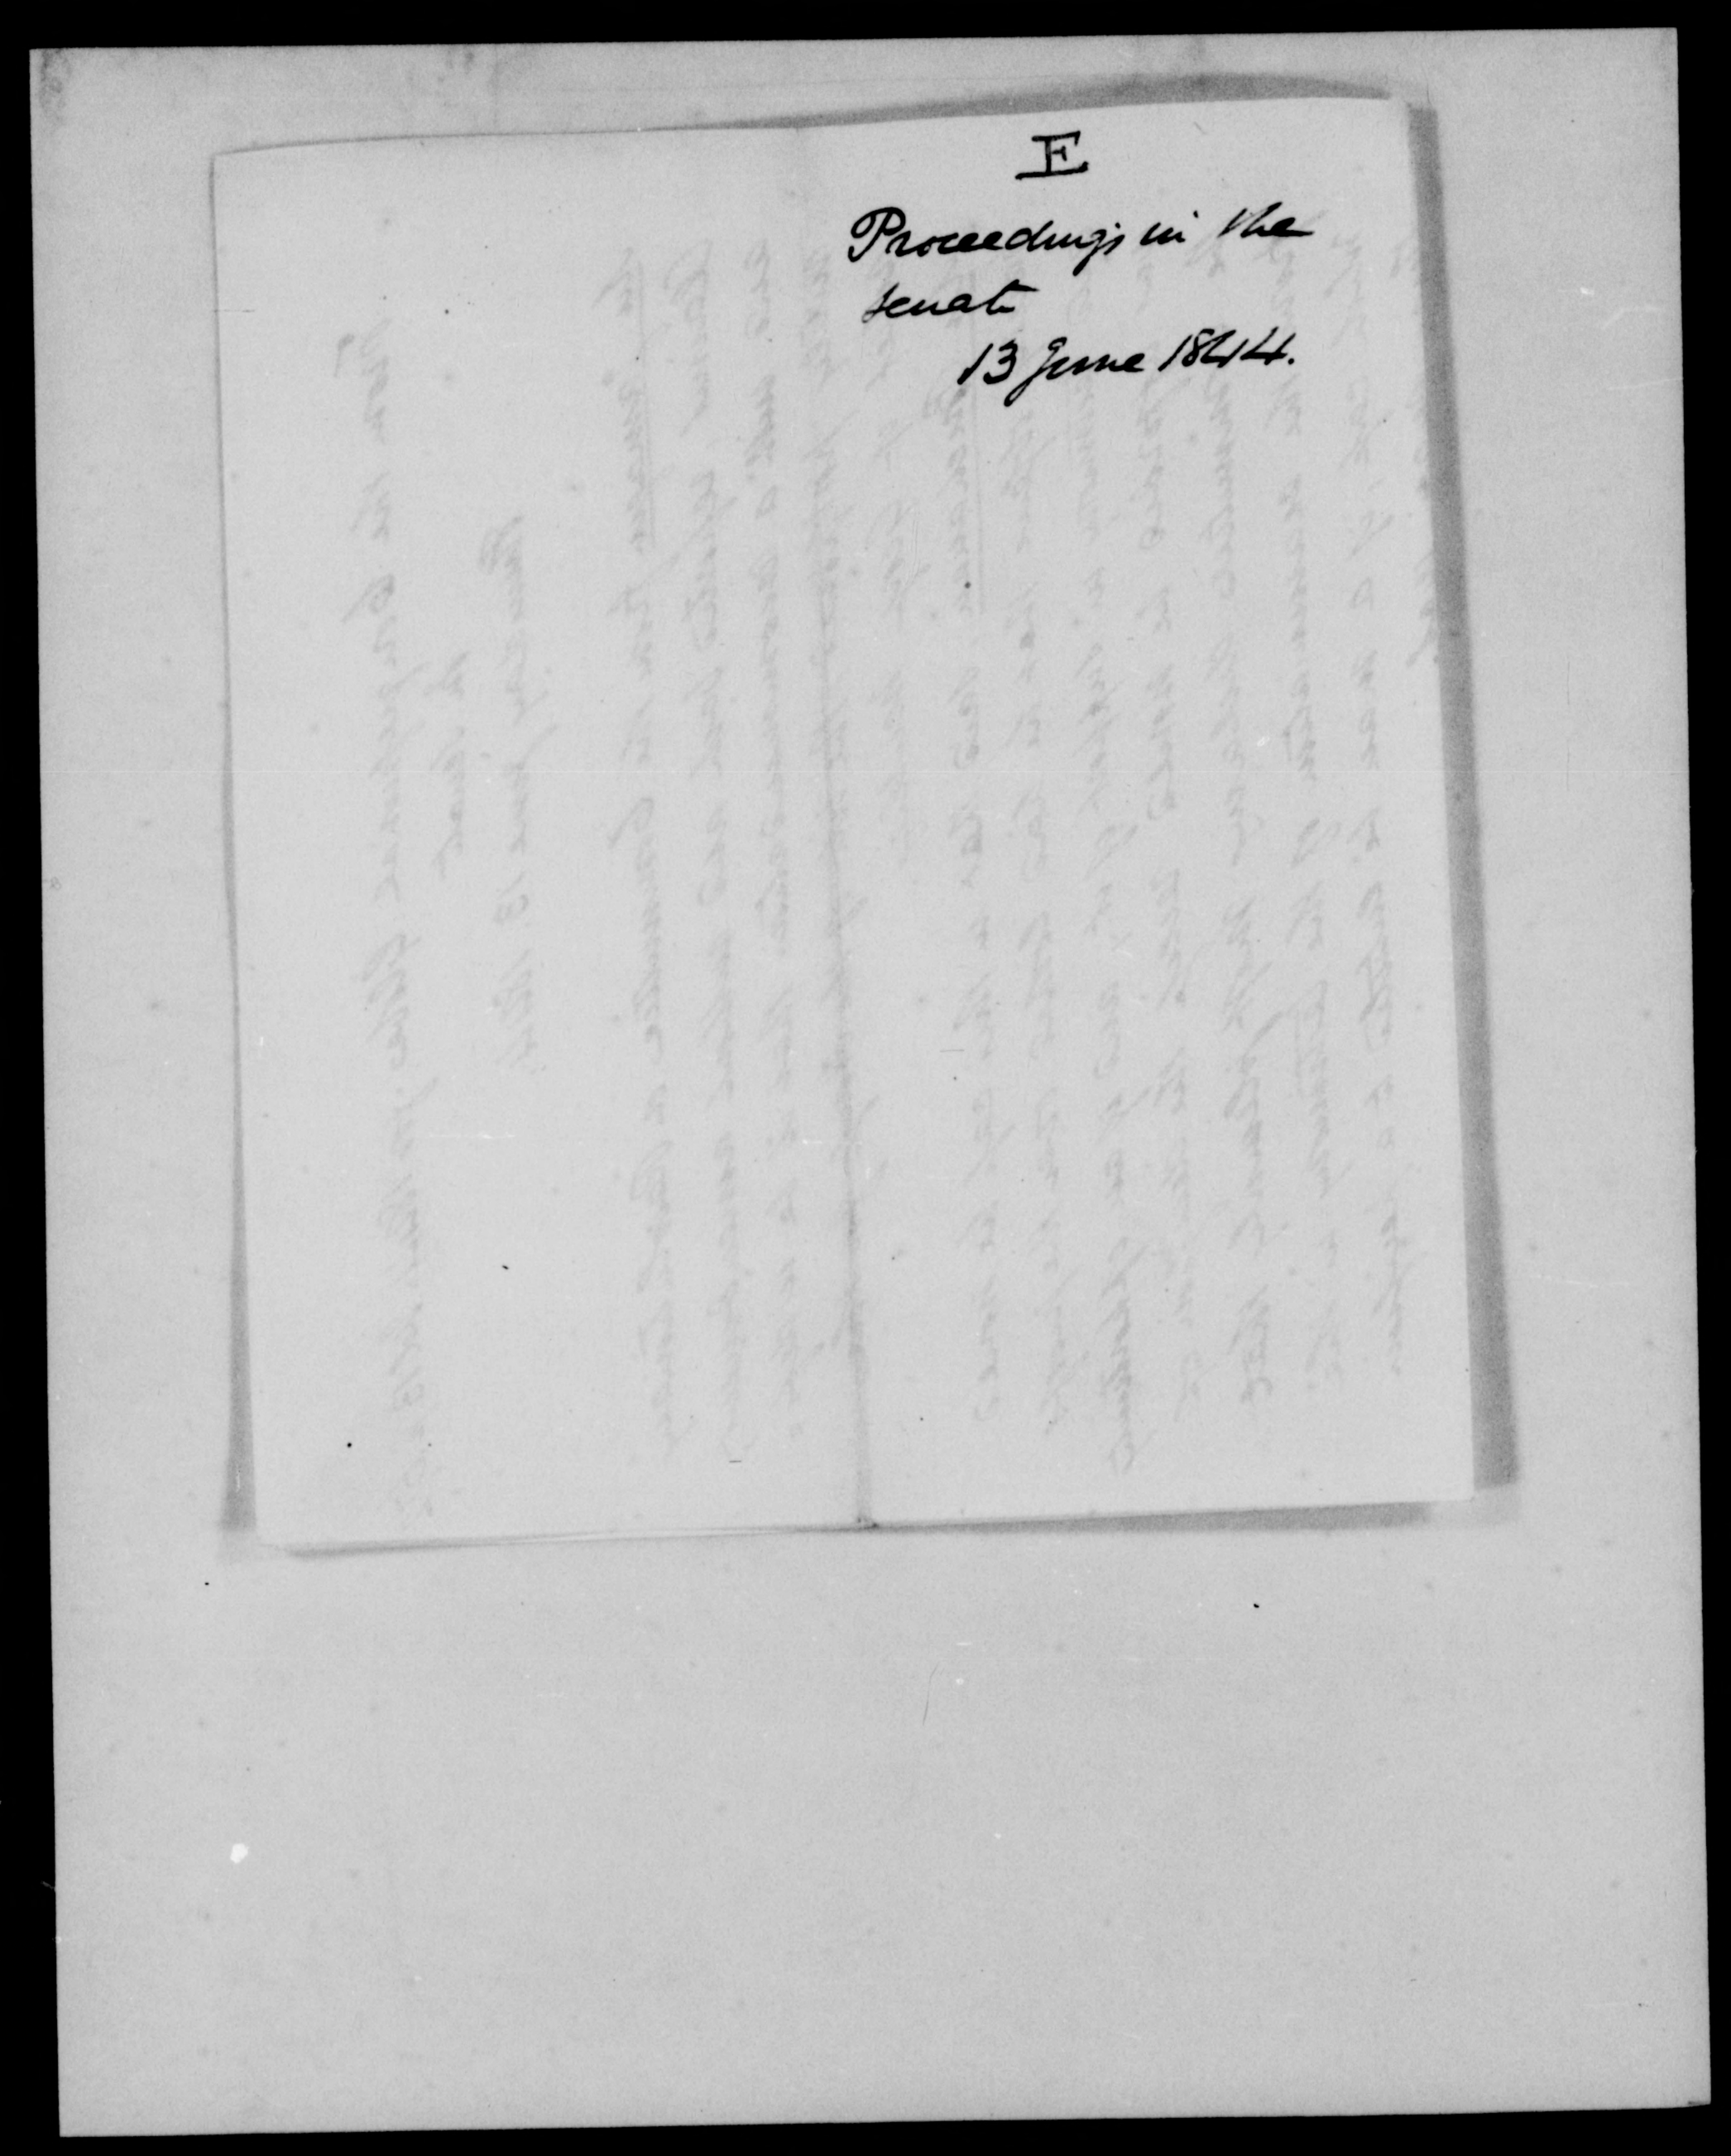E

Proceedings in the Senate
13 June 1844.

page: 36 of 68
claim: survivor's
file: S. 6,358, George Wentling, Penn.